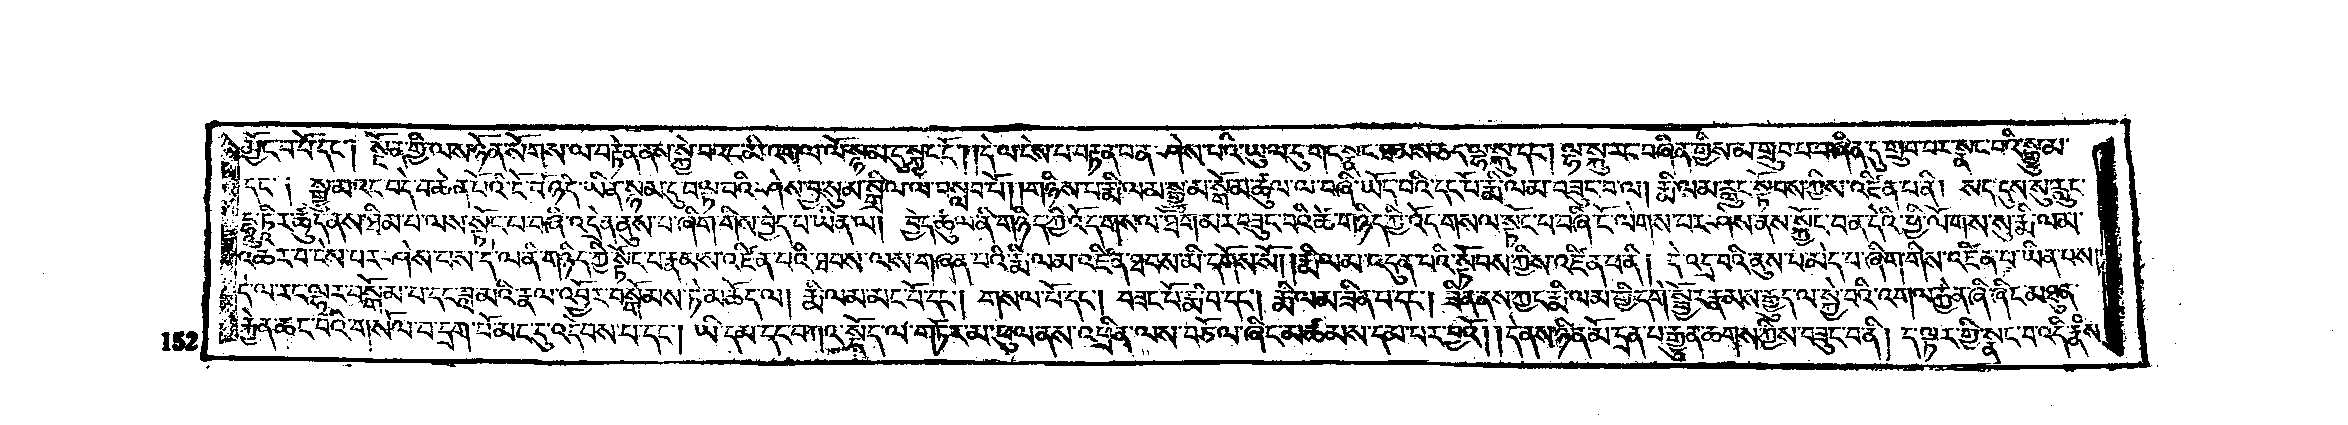མྱོང་བ་པོ་དང་། སྔོན་གྱི་ལས་ཉོན་སོགས་ལ་བརྟེན་ནས་སྐྱེ་བའང་མི་འགལ་ལོ་སྙམ་དུ་སྦྱང་ངོ། །དེ་ལ་ངེས་པ་བརྟན་པ་ན་ཤེས་པའི་ཡུལ་དུ་གང་སྣང་ཐམས་ཅད་ལྷ་སྐུ་དང་། ལྷ་སྐུ་རང་བཞིན་གྱིས་མ་གྲུབ་པ་བཞིན་དུ་གྲུབ་པར་སྣང་བའི་སྒྱུ་མ་
དང་། སྒྱུ་མའང་བདེ་བ་ཆེན་པོའི་ངོ་བོ་ཉིད་ཡིན་སྙམ་དུ་བལྟ་བའི་ཤེས་བྱ་སུམ་སྒྲིལ་ལ་བསླབ་པོ། །གཉིས་པ་རྨི་ལམ་སྒྱུ་མ་སྒོམ་ཚུལ་ལ་བཞི་ཡོད་པའི་དང་པོ་རྨི་ལམ་བཟུང་བ་ལ། རྨི་ལམ་རླུང་སྟོབས་ཀྱིས་འཛིན་པ་ནི། སད་དུས་སུ་རླུང་
དྷཱུ་ཏཱིར་ཚུད་ནས་ཐིམ་པ་ལས་སྟོང་པ་བཞི་འདྲེན་ནུས་པ་ཞིག་གིས་བྱེད་པ་ཡིན་ལ། བྱེད་ཚུལ་ནི་གཉིད་ཀྱི་འོད་གསལ་ཐོག་མར་བཟུང་བའི་ཚེ་གཉིད་ཀྱི་འོད་གསལ་སྟོང་པ་བཞི་ངོ་ལེགས་པར་ཤེས་ནས་སྐྱོང་བ་ན་དེའི་ཕྱི་ལོགས་སུ་རྨི་ལམ་
འཆར་བ་ངེས་པར་ཤེས་པས་དེ་ལ་ནི་གཉིད་ཀྱི་སྟོང་པ་རྣམས་འཛིན་པའི་ཐབས་ལས་གཞན་པའི་རྨི་ལམ་འཛིན་ཐབས་མི་དགོས་སོ། །རྨི་ལམ་འདུན་པའི་སྟོབས་ཀྱིས་འཛིན་པ་ནི། དེ་འདྲ་བའི་ནུས་པ་མེད་པ་ཞིག་གིས་འཛིན་པ་ཡིན་པས།
དེ་ལ་རང་ལྷར་བསྒོམ་པ་དང་བླ་མའི་རྣལ་འབྱོར་བསྒོམས་ཏེ་མཆོད་ལ། རྨི་ལམ་མང་པོ་དང་། གསལ་པོ་དང་། བཟང་པོ་རྨི་བ་དང་། རྨི་ལམ་ཟིན་པ་དང་། ཟིན་ནས་ཀྱང་རྨི་ལམ་གྱི་དགེ་སྦྱོར་རྣམས་རྒྱུད་ལ་སྐྱེ་བའི་འགལ་རྐྱེན་ཞི་ཞིང་མཐུན་
རྐྱེན་ཚང་བའི་གསོལ་བ་དྲག་པོ་མང་དུ་འདེབས་པ་དང་། ཡི་དམ་དང་བཀའ་སྡོད་ལ་གཏོར་མ་ཕུལ་ནས་འཕྲིན་ལས་བཅོལ་ཞིང་མཚམས་དམ་པར་བྱའོ། །དེ་ནས་ཉིན་མོ་དྲན་པ་རྒྱུན་ཆགས་ཀྱིས་བཟུང་བ་ནི། ད་ལྟར་གྱི་སྣང་བ་འདི་རྣམས་